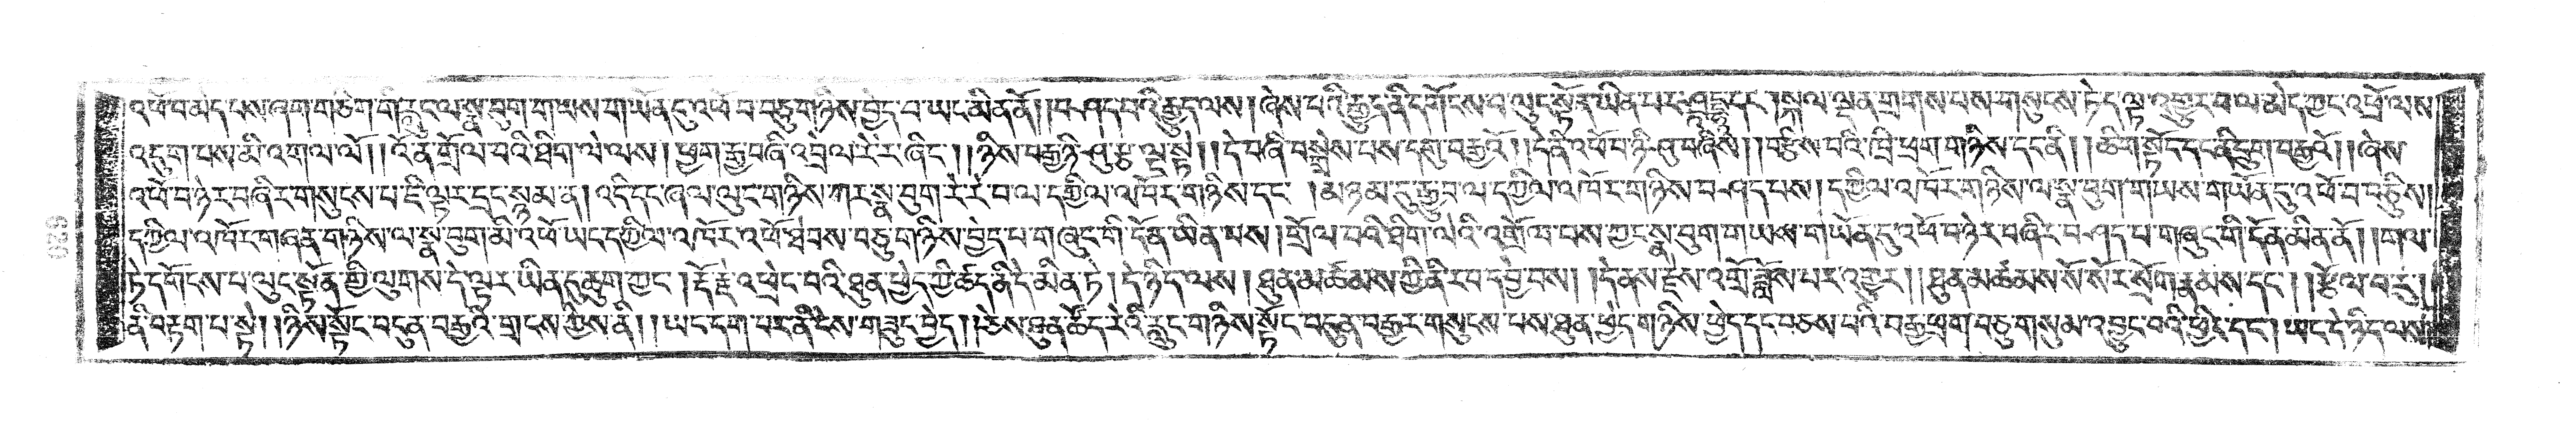འཕོ་བ་མེད་པས་ཞག་གཅིག་གི་རླུང་ལ་སྣ་བུག་གཡས་གཡོན་དུ་འཕོ་བ་བཅུ་གཉིས་བྱེད་པ་ཡང་མིན་ནོ། །བཤད་པའི་རྒྱུད་ལས། ཞེས་པའི་རྒྱུད་ནི་དགོངས་པ་ལུང་སྟོན་ཡིན་པར་ཤྲཱ་དྡྷཱ་དང་། སྐལ་ལྡན་གྲགས་པས་གསུངས་ཏེ་ད་ལྟ་འགྱུར་བ་ལ་མེད་ཀྱང་འཕྲོ་ལས་
འདུག་པས་མི་འགལ་ལོ། །འོ་ན་གྲོལ་བའི་ཐིག་ལེ་ལས། ཕྱག་རྒྱ་བཞི་འབྲེལ་རེ་རེ་ཞིང་། །ཉིས་བརྒྱ་ཉི་ཤུ་རྩ་ལྔ་སྟེ། །དེ་བཞི་བསྒྲེས་པས་དགུ་བརྒྱའོ། །དེ་ནི་འཕོ་བ་ཉི་ཤུ་བཞིས། །བརྩིས་པའི་ཁྲི་ཕྲག་གཉིས་དང་ནི། །ཆིག་སྟོང་དང་ནི་དྲུག་བརྒྱའོ། །ཞེས་
འཕོ་བ་ཉེར་བཞིར་གསུངས་པ་ཇི་ལྟར་དྲང་སྙམ་ན། འདི་དང་ཞལ་ལུང་གཉིས་ཀར་སྣ་བུག་རེ་རེ་བ་ལ་དཀྱིལ་འཁོར་གཉིས་དང་། མཉམ་དུ་རྒྱུ་བ་ལ་དཀྱིལ་འཁོར་གཉིས་བཤད་པས། དཀྱིལ་འཁོར་གཉིས་ལ་སྣ་བུག་གཡས་གཡོན་དུ་འཕོ་བ་བཅུ་གཉིས།
དཀྱིལ་འཁོར་གཞན་གཉིས་ལ་སྣ་བུག་མི་འཕོ་ཡང་དཀྱིལ་འཁོར་འཕོ་ཐེབས་བཅུ་གཉིས་བྱེད་པ་གཞུང་གི་དོན་ཡིན་པས། གྲོལ་བའི་ཐིག་ལེའི་འགྲེལ་པས་ཀྱང་སྣ་བུག་གཡས་གཡོན་དུ་འཕོ་བ་ཉེར་བཞིར་བཤད་པ་གཞུང་གི་དོན་མིན་ནོ། །གལ་
ཏེ་དགོངས་པ་ལུང་སྟོན་གྱི་ལུགས་དེ་ལྟར་ཡིན་དུ་ཆུག་ཀྱང་། རྡོ་རྗེ་འཕྲེང་བའི་ཐུན་ཕྱེད་ཀྱི་ཚད་ནི་དེ་མིན་ཏེ། དེ་ཉིད་ལས། ཐུན་མཚམས་ཀྱི་ནི་རབ་དབྱེ་བས། །དེ་ནས་རྗེས་འགྲོ་ཟློས་པར་འགྱུར། །ཐུན་།ཚམས་སོ་སོར་སྲོག་རྣམས་དང་། །རྩོལ་བ་རུ་
ནི་བརྟག་པ་སྟེ། །ཉིས་སྟོང་བདུན་བརྒྱའི་གྲངས་ཀྱིས་ནི། །ཡང་དག་པར་ནི་ངེས་གཟུང་བྱེད། །ཅེས་ཐུན་ཚོད་རེའི་རླུང་གཉིས་སྟོང་བདུན་བརྒྱར་གསུངས་པས་ཐུན་ཕྱེད་གཉིས་ཕྱེད་དང་བཅས་པའི་བརྒྱ་ཕྲག་བཅུ་གསུམ་འབྱུང་བའི་ཕྱིར་དང་། ཡང་དེ་ཉིད་ལས།